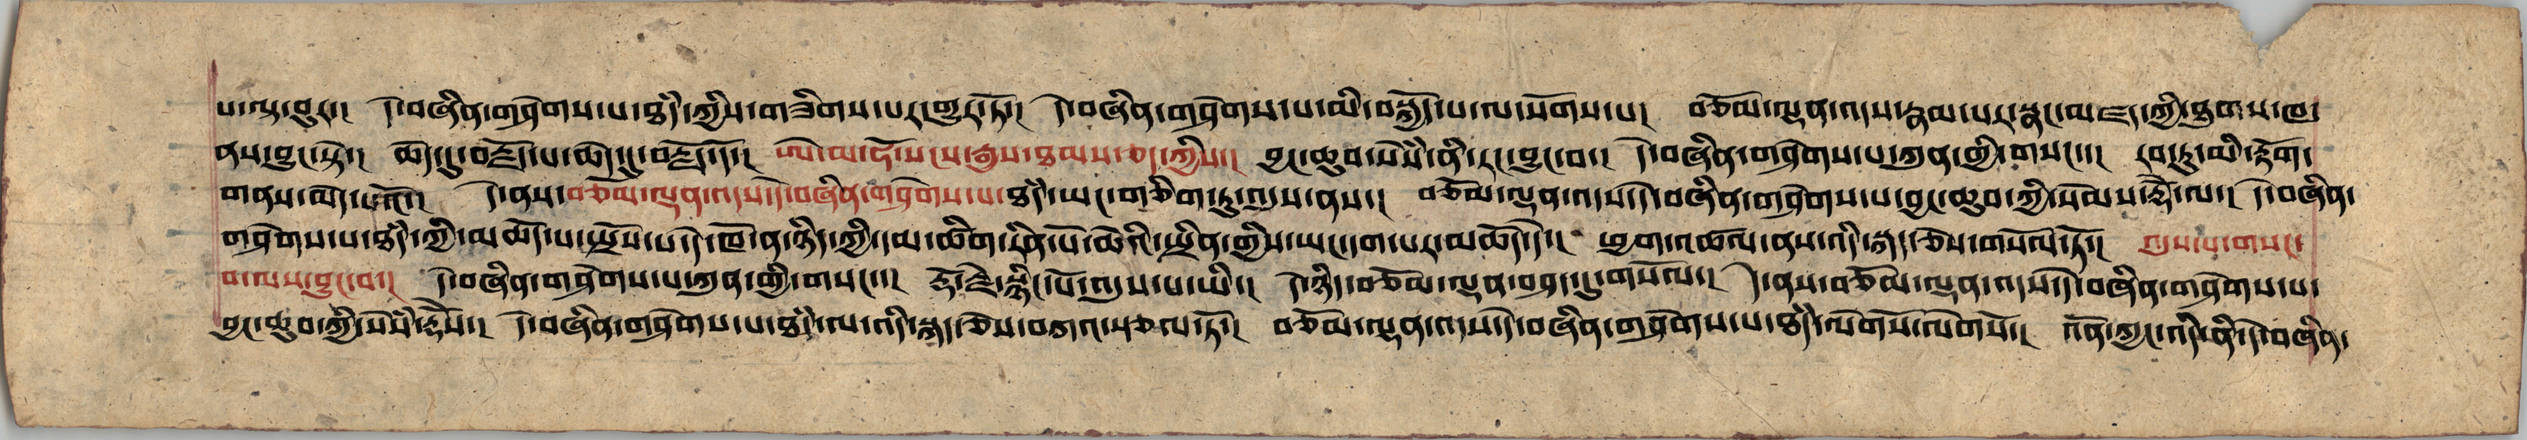པ་ལྟ་བུར་། དེ་བཞིན་གཤེགས་པ་ཐཾད་ཀྱིས་གཟིགས་པར་གྱུར་ཏོ་། དེ་བཞིན་གཤེགས་པ་མི་བསྐྱོད་པ་ལ་སོགས་པ་། བཅོམ་ལྡན་འདས་རྣམ་པར་སྣང་མཛད་ཀྱི་ཐུགས་ཁ་
ནས་བྱུང་སྟེ་། ཆེད་དུ་བརྗོད་པ་ཆེད་དུ་བརྗོད་དོ་། ཨེ་མ་ཧོ་སངས་རྒྱས་ཐམས་ཅད་ཀྱིས་། བྱང་ཆུབ་སེཾས་ནི་རང་བྱུང་བ་། དེ་བཞིན་གཤེགས་པ་ཀུན་གྱི་གསང་་། རབ་ཏུ་མི་རྟོག་
གནས་མེད་པའོ་། དེ་ནས་བཅོམ་ལྡན་འདས་དེ་བཞིན་གཤེགས་པ་ཐཾད་ཡང་གཅིག་ཏུ་འདུས་ནས་། བཅོམ་ལྡན་འདས་དེ་བཞིན་གཤེགས་པ་བྱང་ཆུབ་ཀྱི་སེམས་རྡོེ་ལ་། དེ་བཞིན་
གཤེགས་པ་ཐཾད་ཀྱི་མཆོད་པ་སྤྲོས་པ་དེ་ཁོ་ན་ཉིད་ཀྱི་དམ་ཚིག་རིན་པོ་ཆེའི་སྤྲིན་གྱིས་ཡང་དག་པར་མཆོད་དེ་། ཕྱག་འཚལ་ནས་འདི་སྐད་ཅེས་གསོལ་ཏོ་། འདུས་པ་གསང་
བ་ལས་བྱུང་བ་། དེ་བཞིན་གཤེགས་པ་ཀུན་གྱི་གསང་་། རྡོ་རྗེ་སྙིང་པོ་འདུས་པ་ཡི་། དེ་ཉིད་བཅོམ་ལྡན་བཤད་དུ་གསོལ་། དེ་ནས་བཅོམ་ལྡན་འདས་དེ་བཞིན་གཤེགས་པ་
བྱང་ཆུབ་ཀྱི་སེཾས་རྡོེས་། དེ་བཞིན་གཤེགས་པ་ཐཾད་ལ་འདི་སྐད་ཅེས་བཀའ་སྩལ་ཏོ་། བཅོམ་ལྡན་འདས་དེ་བཞིན་གཤེགས་པ་ཐཾད་ལེགསོ་ལེགསོ་། འོན་ཀྱང་འདི་ནི་དེ་བཞིན་